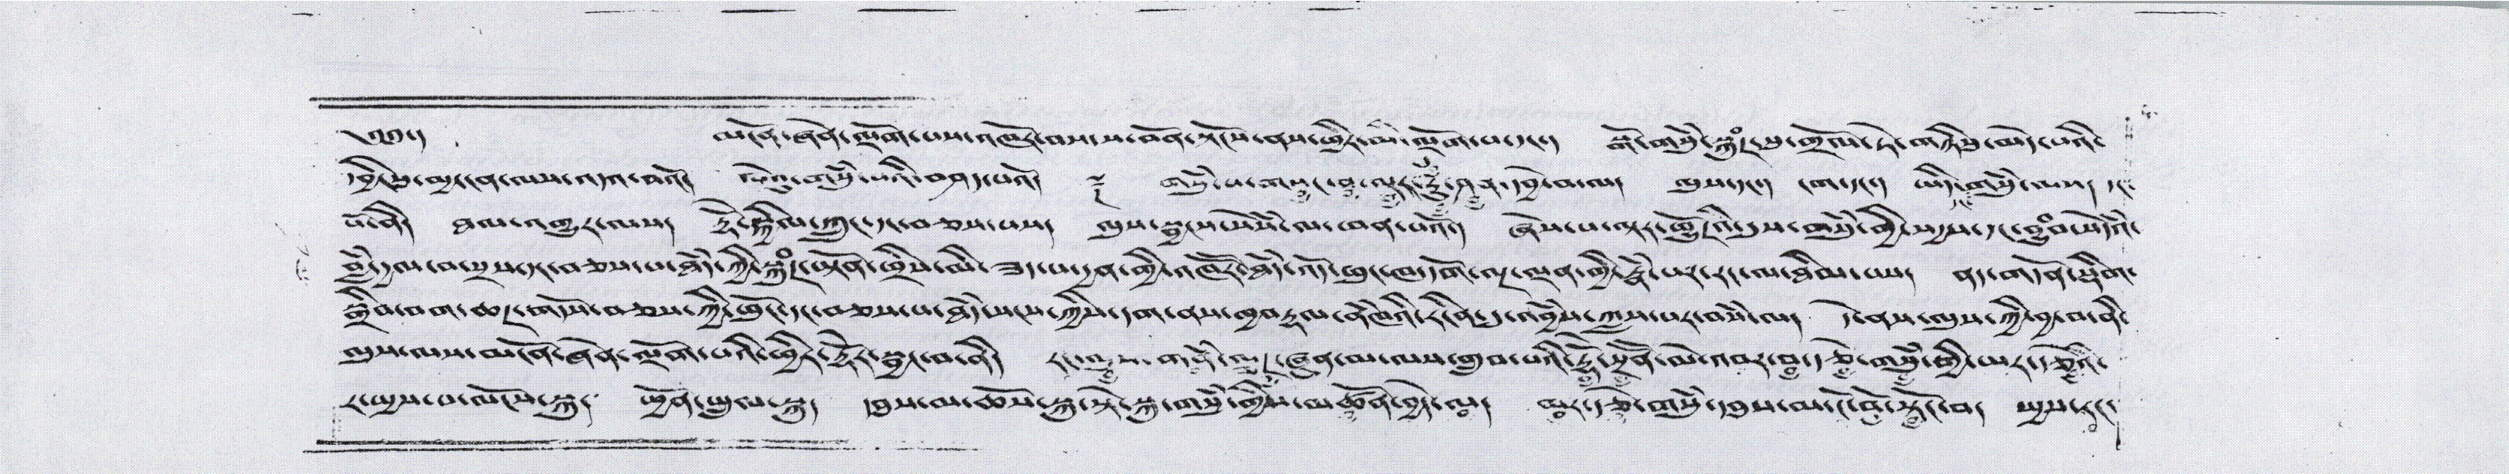མངོན་ཞེན་ལྡོག་པས་འཁོར་བའི་ས་བོན་སྟོངས་ནས་ཕྱིར་མི་ལྡོག་པ་དང་། སྒོ་གསུམ་སྐུ་གསུང་ཐུགས་སུ་གྲོལ་ཏེ་གཉིས་སུ་མེད་པའི་
དབྱིངས་སུ་མྱ་ངན་ལས་འདའ་བའོ། ལེའུ་གསུམ་པའི་བཤད་པའོ།། ༧ གསུམ་པ་གསང་བ་ལྟར་རུ་ཤན་དབྱེ་བ་ལ། ལུས་དང་ངག་དང་ཡིད་དང་གསུམ་ལས། དང་
པོ་ནི། ཐལ་འགྱུར་ལས། རྡོ་རྗེ་སྐྱིལ་ཀྲུང་དང་བཅས་པས། ལུས་སྦྱངས་སེམས་ལ་ཕན་པའོ། ཞེས་པ་ལྟར་ཕྱོགས་བཅུའི་དུས་གསུམ་གྱི་སངས་རྒྱས་དང་བྱང་ཆུབ་སེམས་དཔའ་
བླ་མ་སྲས་དང་བཅས་པ་ཐམས་ཅད་ཀྱི་སྐུ་གསུང་ཐུགས་ཡོན་ཏན་འཕྲིན་ལས་མི་བཟད་པ་རྒྱན་གྱི་འཁོར་ལོ་ཐམས་ཅད་འོད་ཕུང་ཁ་དོག་ལྔ་ལྡན་རང་ལ་ཐིམ་པས་ནད་གདོན་སྡིག་
སྒྲིབ་བག་ཆགས་གདོས་བཅས་ཀྱི་ཕུང་པོ་དང་བཅས་པ་ཐམས་ཅད་སངས་ཀྱིས་དག་ནས་ཁྱབ་བརྡལ་ནམ་མཁའི་རང་བཞིན་དུ་འབྱམས་ཀླས་པར་བསམ་ལ། དེ་ནས་ལུས་ཀྱི་བྱ་བ་ནི་
ལུས་ལས་མངོན་ཞེན་ལྡོག་པའི་ཕྱིར་རྡོ་རྗེ་སྦྱང་བ་ནི། རང་ལུས་གནམ་ལྕགས་ཞུན་མ་ལས་གྲུབ་པའི་རྡོ་རྗེ་སྔོན་པོ་མེ་འབར་བ་རྩེ་གསུམ་གྱི་ཡར་རྩེའི་
རྭ་གཡས་པ་ལོངས་སྐུ། གཡོན་སྤྲུལ་སྐུ། དབུ་མ་ཆོས་སྐུ་སྟེ་སྐུ་གསུམ་གྱི་མཚོན་བྱེད་ལ། མར་རྩེ་གསུམ་དབུས་མ་ངོ་བོ་སྟོང་པ། སངས་རྒྱས་རང་